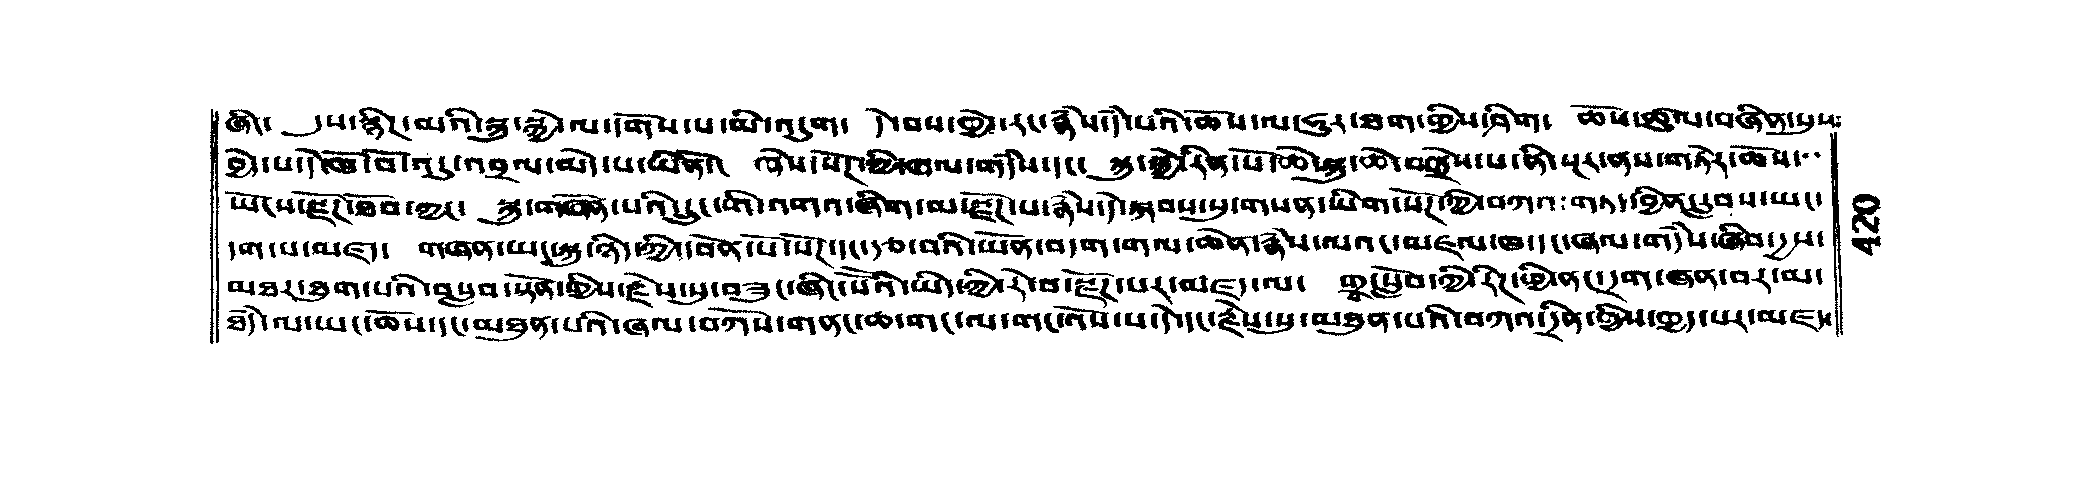ཞིང་། དུས་སྙིགས་མའི་སྐུ་སྐྱེ་ལ་དགོས་པ་མི་འདུག དེ་བས་ཁྱེད་རང་རྣམས་དམ་པའི་ཆོས་ལ་ཧུར་ཐག་གྱིས་ཤིག ཆོས་ཚུལ་བཞིན་སུས་
བྱེད་པ་དེ་དང་ཁོ་བོ་འདུ་འབྲལ་མེད་པ་ཡིན་ནོ། ཞེས་སོགས་ཀྱི་ཞལ་གདམས་དང་། སྐུ་སྐྱེ་རིན་པོ་ཆེ་སྐུ་བསྒྲེས་པ་ནི་སྔར་ནས་གཏེར་ཆོས་
ཡོངས་རྫོགས་ཐོབ་ཀྱང་། སྐུ་གཞོན་པའི་དྲུང་གི་འགའ་ཞིག་མ་རྫོགས་པ་རྣམས་དེ་སྐབས་སུ་གསན་ཡིག་སོགས་ཀྱི་བཀའ་གཏད་བྱིན་རླབས་ཡང་
དག་པ་མཛད། གཞན་ཡང་སྐུ་ཉིད་ཀྱི་དབོན་པོ་སོགས་དང་རྩ་བའི་ཡོན་བདག་གལ་ཆེན་རྣམས་ལའང་མཇལ་ཁ་དང་ཞལ་གདམས་ཞིབ་རྒྱས་
མཐར་ཐུག་པའི་བསླབ་སྟོན་གྱིས་རྗེས་སུ་བཟུང་ཞིང་སོ་སོའི་ཡིད་ཀྱི་རེ་བ་རྫོགས་པར་མཛད་ལ། གྲྭ་སློབ་ཀྱི་རིགས་ཕྱི་ནང་དྲག་ཞན་བར་མ་
ཐམས་ཅད་ལ་ཡང་ཆོས་དང་མཐུན་པའི་ཞལ་བཀོད་གནང་ཆ་གང་ལ་གང་འོས་པ་དེ་དང་རྗེས་སུ་མཐུན་པའི་བཀའ་དྲིན་གྱིས་ཁྱབ་པར་མཛད་